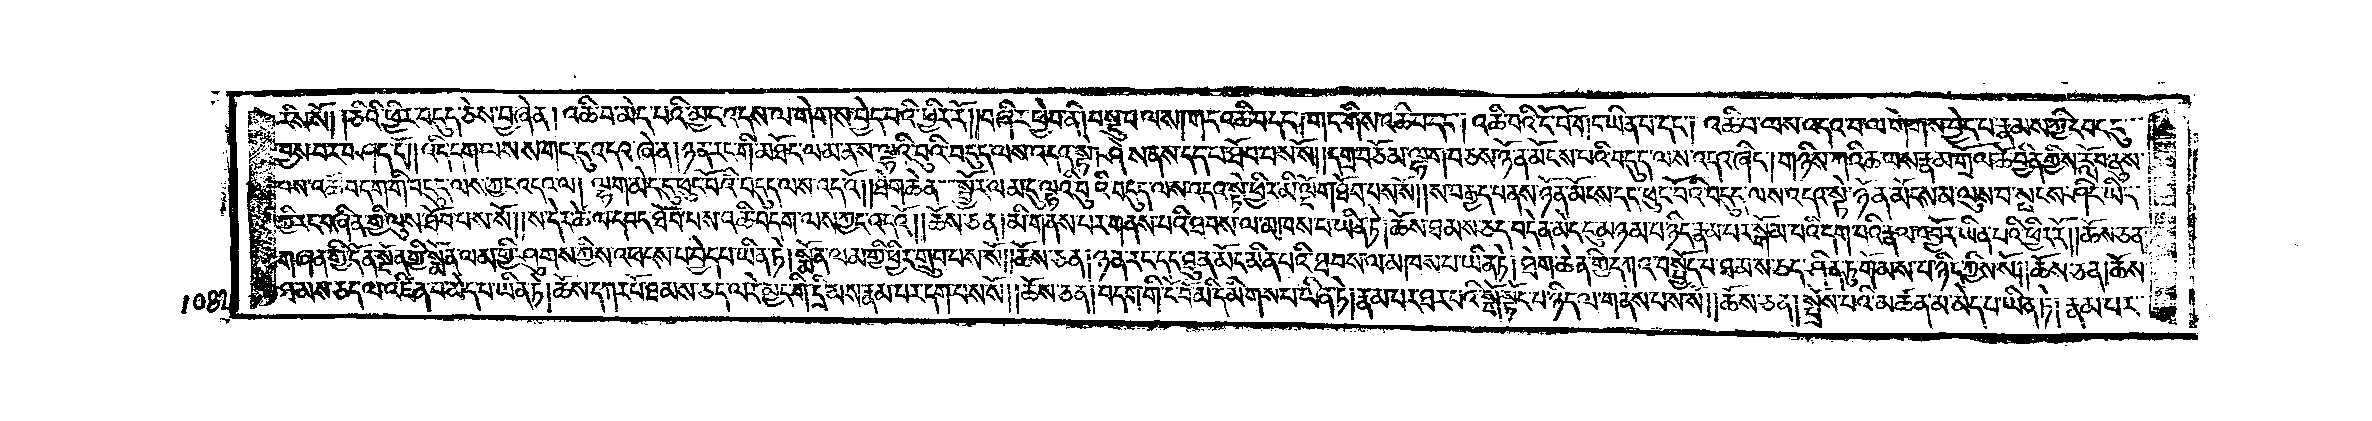རིས་སོ། །ཅིའི་ཕྱིར་བདུད་ཅེས་བྱ་ཞེ་ན། འཆི་བ་མེད་པའི་མྱང་འདས་ལ་གེགས་བྱེད་པའི་ཕྱིར་རོ། །བཞིར་ཕྱེ་བ་ནི། བསྡུ་བ་ལས། གང་འཆི་བ་དང་། གང་གིས་འཆི་བ་དང་། འཆི་བའི་ངོ་བོ་གང་ཡིན་པ་དང་། འཆི་བ་ལས་འདའ་བ་ལ་གེགས་བྱེད་པ་རྣམས་ཀྱི་དབང་དུ་
བྱས་པར་བཤད་དོ། །འདི་དག་ལས་ས་གང་དུ་འདའ་ཞེ་ན། ཉན་རང་གི་མཐོང་ལམ་ནས་ལྷའི་བུའི་བདུད་ལས་འདའ་སྟེ། ཤེས་ནས་དད་པ་ཐོབ་པས་སོ། །དགྲ་བཅོམ་ལྷག་བཅས་ཉོན་མོངས་པའི་བདུད་ལས་འདའ་ཞིང་། གཉིས་ཀའི་ཆ་ལས་རྣམ་གྲོལ་ཚེ་བྱིན་གྱིས་རློབ་ནུས་
པས་འཆི་བདག་གི་བདུད་ལས་ཀྱང་འདའ་ལ། ལྷག་མེད་དུ་ཕུང་པོའི་བདུད་ལས་འདའོ། །ཐེག་ཆེན་སྦྱོར་ལམ་དུ་ལྷའི་བུའི་བདུད་ལས་འདའ་སྟེ་ཕྱིར་མི་ལྡོག་ཐོབ་པས་སོ། །ས་བརྒྱད་པ་ནས་ཉོན་མོངས་དང་ཕུང་པོའི་བདུད་ལས་འདའ་སྟེ་ཉོན་མོངས་མ་ལུས་པ་སྤངས་ཤིང་ཡིད་
ཀྱི་རང་བཞིན་གྱི་ལུས་ཐོབ་པས་སོ། །ས་དེར་ཚེ་ལ་དབང་ཐོབ་པས་འཆི་བདག་ལས་ཀྱང་འདའོ། །ཆོས་ཅན། མི་གནས་པར་གནས་པའི་ཐབས་ལ་མཁས་པ་ཡིན་ཏེ། ཆོས་ཐམས་ཅད་བདེན་མེད་དུ་མཉམ་པ་ཉིད་རྣམ་པར་སྒོམ་པའི་དག་པའི་རྣལ་འབྱོར་ཡིན་པའི་ཕྱིར་རོ། །ཆོས་ཅན་
གཞན་གྱི་དོན་སྔོན་གྱི་སྨོན་ལམ་གྱི་ཤུགས་ཀྱིས་འཕངས་པ་བྱེད་པ་ཡིན་ཏེ། སྨོན་ལམ་གྱི་ཕྱིར་གྲུབ་པས་སོ། །ཆོས་ཅན། ཉན་རང་དང་ཐུན་མོང་མིན་པའི་ཐབས་ལ་མཁས་པ་ཡིན་ཏེ། ཐེག་ཆེན་གྱི་དཀའ་བསྤྱོད་པ་ཐམས་ཅད་ཤིན་ཏུ་གོམས་པ་ཉིད་ཀྱིས་སོ། །ཆོས་ཅན། ཆོས་
ཐམས་ཅད་ལ་འཛིན་པ་མེད་པ་ཡིན་ཏེ། ཆོས་དཀར་པོ་ཐམས་ཅད་ལ་རེ་མྱང་གི་དྲི་མས་རྣམ་པར་དག་པས་སོ། །ཆོས་ཅན། བདག་གི་ངོ་བོ་མི་དམིགས་པ་ཡིན་ཏེ། རྣམ་པར་ཐར་པའི་སྒོ་སྟོང་པ་ཉིད་ལ་གནས་པས་སོ། །ཆོས་ཅན། སྤྲོས་པའི་མཚན་མ་མེད་པ་ཡིན་ཏེ། རྣམ་པར་